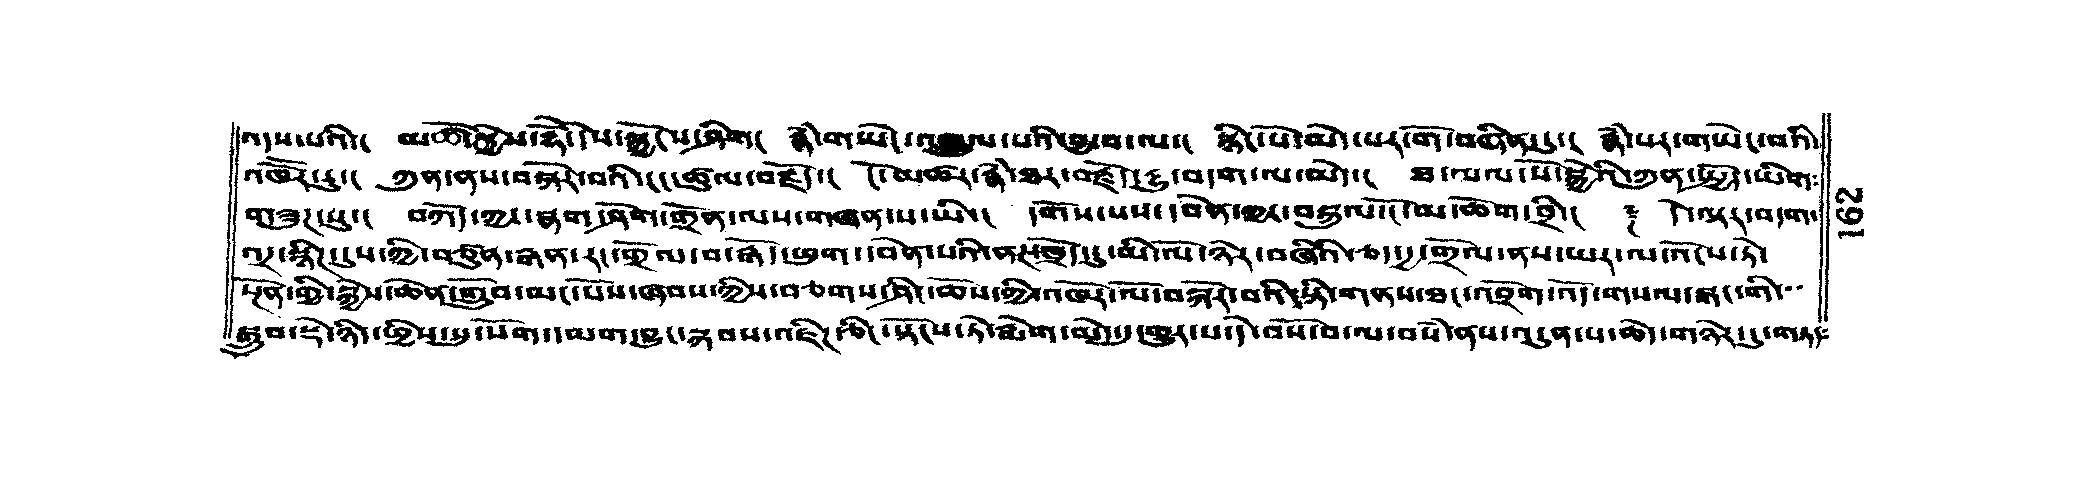འདས་པའི། །མཚོ་སྐྱེས་རྡོ་རྗེ་དེས་སྐྱོངས་ཤིག །རྣམ་གཡེང་འཁྲུལ་པའི་བྱ་བ་ལ། །སྙིང་པོ་མེད་པར་གོ་བཞིན་དུ། །རྣམ་པར་གཡེང་བའི་
འཁོར་ལོ་རུ། །ཀུན་ནས་བསྐོར་བའི་ངང་ཚུལ་བརྗོད། །ངོ་མཚར་རྣམ་ཐར་བརྗོད་རྒྱུ་བདག་ལ་མེད། །ཐ་མལ་སོ་སྐྱེའི་ཀུན་སྤྱོད་ཡིག་
གཟུགས་སུ། །བཀོད་ཀྱང་སྣག་ཤོག་གྲོན་ལས་གཞན་པ་ཡི། །དགོས་པས་དབེན་ཀྱང་བསྐུལ་ངོ་མ་ཆོག་བྲི།དེ་ལྟར་བདག་
འདྲ་སྙིགས་དུས་ཀྱི་བཙུན་རྒན་རང་གྲོལ་བ་རྒོད་ཕུག་དབེན་པའི་ནགས་ཁྲོད་དུ་མི་ལོ་ཉེར་བཞིའི་ཅད་རྒྱ་གྲོལ་ནས་ཡར་ལ་འོངས་ཏེ། 
སྔོན་གྱི་སྐྱེས་ཆེན་གྲུབ་ཐོབ་མང་པོས་ཞབས་ཀྱིས་བཅགས་ཤིང་ཆོས་ཀྱི་འཁོར་ལོ་བསྐོར་བའི་བསྟི་གནས་ཐང་འབྲོག་འོད་གསལ་སྒང་གི་
སྒྲུབ་སྡེ་ཉིད་ཕྱིས་སུ་སོག་དམག་བྱུང་སྐབས་འཇིག་ཅིང་སྟོངས་ཏེ་རྨེག་མེད་དུ་གྱུར་པ་དེ་གསོ་བ་ལ་བསམ་ནས་འདུན་པ་ཆེད་གཉེར་དུ་གཏད་